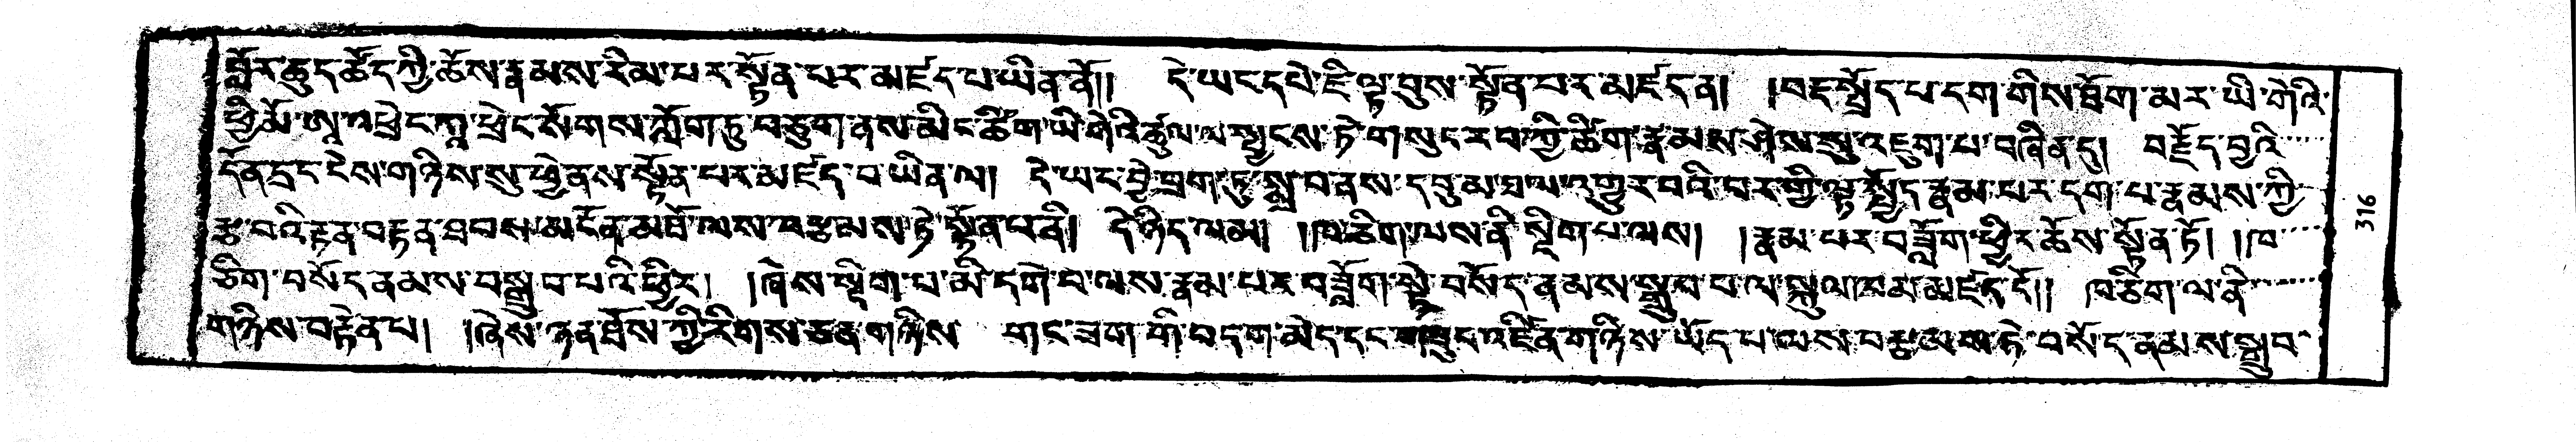བློར་ཆུད་ཚོད་ཀྱི་ཆོས་རྣམས་རིམ་པར་སྟོན་པར་མཛད་པ་ཡིན་ནོ། དེ་ཡང་དཔེ་ཇི་ལྟ་བུས་སྟོན་པར་མཛད་ན། །བརྡ་སྤྲོད་པ་དག་གིས་ཐོག་མར་ཡི་གེའི་
ཕྱི་མོ་ཨཱ་འཕྲེང་ཀཱ་ཕྲེང་སོགས་ཀློག་ཏུ་བཅུག་ནས་མིང་ཚིག་ཡི་གེའི་ཚུལ་ལ་སྤྱངས་ཏེ་གསུང་རབ་ཀྱི་ཚིག་རྣམས་ཤེས་སུ་འཇུག་པ་བཞིན་དུ། བརྗོད་བྱའི་
དོན་དྲང་ངེས་གཉིས་སུ་ཕྱེ་ནས་སྟོན་པར་མཛད་པ་ཡིན་ལ། དེ་ཡང་བྱེ་བྲག་ཏུ་སྨྲ་བ་ནས་དབུ་མ་ཐལ་འགྱུར་པའི་བར་གྱི་ལྟ་སྤྱོད་རྣམ་པར་དག་པ་རྣམས་ཀྱི་
རྩ་བའི་རྟེན་བརྟན་ཐབས་མངོན་མཐོ་ལས་བརྩམས་ཏེ་སྟོན་པ་ནི། དེ་ཉིད་ལམ། །ཁ་ཅིག་ལས་ནི་སྡིག་པ་ལས། །རྣམ་པར་བཟློག་ཕྱིར་ཆོས་སྟོན་ཏོ། །ཁ་
ཅིག་བསོད་ནམས་བསྒྲུབ་པའི་ཕྱིར། །ཞེས་སྡིག་པ་མི་དགེ་བ་ལས་རྣམ་པར་བཟློག་སྟེ་བསོད་ནམས་སྒྲུབ་པ་ལ་སྐུལ་ཁམ་མཛད་དོ། །ཁ་ཅིག་ལ་ནི་
གཉིས་བརྟེན་པ། །ཞེས་ཉན་ཐོས་ཀྱི་རིགས་ཅན་གཉིས་གང་ཟག་གི་བདག་མེད་དང་གཟུང་འཛིན་གཉིས་ཡོད་པ་ལས་བརྩམས་ཏེ་བསོད་ནམས་སྒྲུབ་